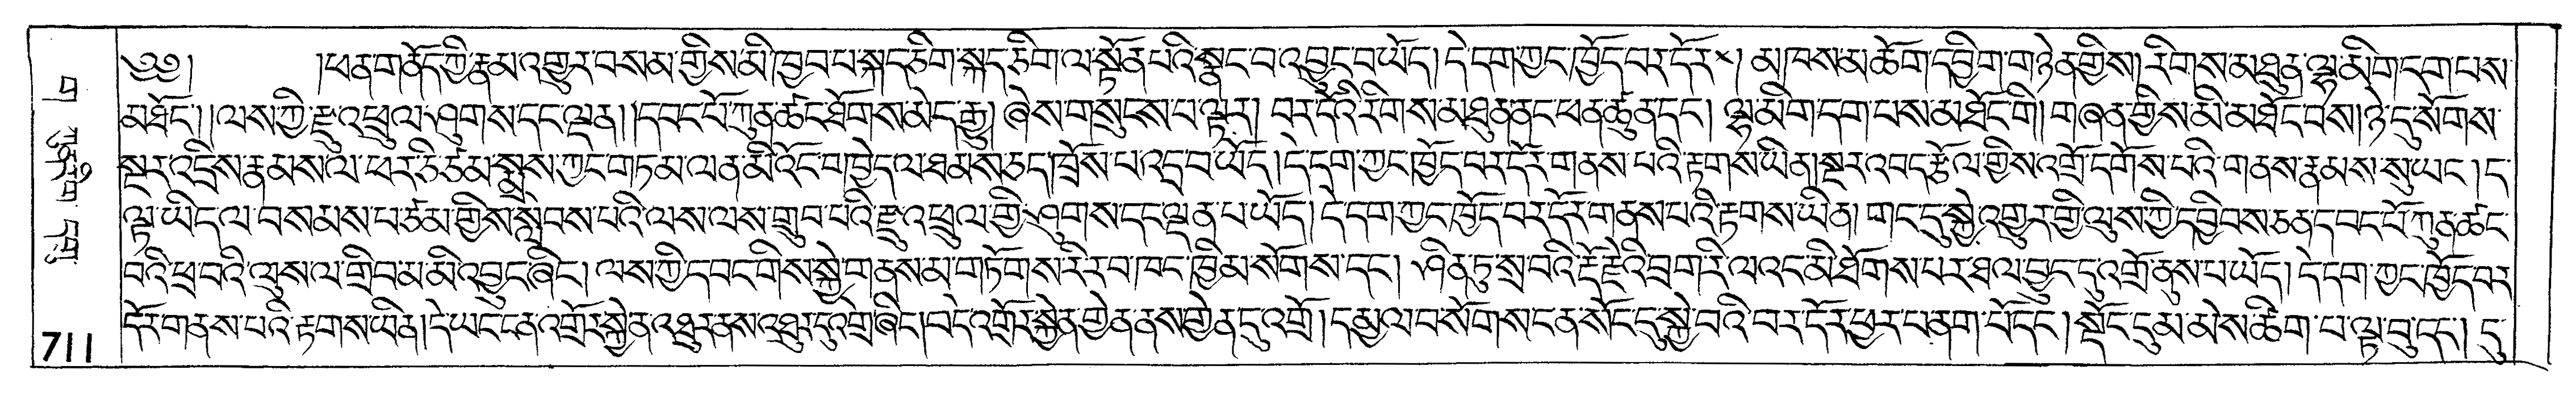༄༅། །ཕན་གནོད་ཀྱི་རྣམ་འགྱུར་བསམ་གྱིས་མི་ཁྱབ་པ་སྐད་ཅིག་སྐད་ཅིག་ལ་སྟོན་པའི་སྣང་བ་འབྱུང་བ་ཡོད། དེ་དག་ཀྱང་ཁྱོད་བར་དོར་྾། མཁས་མཆོག་དབྱིག་གཉེན་གྱིས། རིགས་མཐུན་ལྷ་མིག་དག་པས་
མཐོང་། །ལས་ཀྱི་རྫུ་འཕྲུལ་ཤུགས་དང་ལྡན། །དབང་པོ་ཀུན་ཚང་ཐོགས་མེད་རྒྱུ། ཞེས་གསུངས་པ་ལྟར། བར་དོའི་རིགས་མཐུན་ནང་ཕན་ཚུན་དང་། ལྷ་མིག་དག་པས་མཐོང་གི །གཞན་གྱིས་མི་མཐོང་བས། ཉེ་དུ་སོགས་
སྔར་འདྲིས་རྣམས་ལ་ཕར་ཅི་ཙམ་སྨྲས་ཀྱང་གཏམ་ལན་མི་འོང་བ་ཁྱེད་ལ་ཐམས་ཅད་ཁྲོས་པ་འདྲ་བ་ཡོད། དེ་དག་ཀྱང་ཁྱོད་བར་དོར་གནས་པའི་རྟགས་ཡིན། སྔར་འབད་རྩོལ་གྱིས་འགྲོ་དགོས་པའི་གནས་རྣམས་སུ་ཡང་། ད་
ལྟ་ཡིད་ལ་བསམས་པ་ཙམ་གྱིས་སླེབས་པའི་ལས་ལས་གྲུབ་པའི་རྫུ་འཕྲུལ་གྱི་ཤུགས་དང་ལྡན་པ་ཡོད། དེ་དག་ཀྱང་ཁྱོད་བར་དོར་གནས་པའི་རྟགས་ཡིན། གང་དུ་སྐྱེ་འགྱུར་གྱི་ལུས་ཀྱི་དབྱིབས་ཅན་དབང་པོ་ཀུན་ཚང་
བའི་ཕྲ་བའི་ལུས་ལ་གྲིབ་མ་མི་འབྱུང་ཞིང་། ལས་ཀྱི་དབང་གིས་སྐྱེ་གནས་མ་གཏོགས་རི་རབ་ཁང་ཁྱིམ་སོགས་དང་། ཤིན་ཏུ་སྲ་བའི་རྡོ་རྗེའི་བྲག་རི་ལའང་མི་ཐོགས་པར་ཐལ་བྱུང་དུ་འགྲོ་ནུས་པ་ཡོད། དེ་དག་ཀྱང་ཁྱོད་བར་
དོར་གནས་པའི་རྟགས་ཡིན། དེ་ཡང་ངན་འགྲོར་སྐྱེ་ན་འཐུར་ནས་འཐུར་དུ་འགྲེ་ཞིང་། བདེ་འགྲོར་སྐྱེན་གྱེན་ནས་གྱེན་དུ་འགྲོ་དམྱལ་བ་སོགས་ངན་སོང་དུ་སྐྱེ་བའི་བར་དོར་ཕྱར་པ་ནག་པོ་དང་། སྡོང་དུམ་མེས་ཚིག་པ་ལྟ་བུ་དང་། དུ་